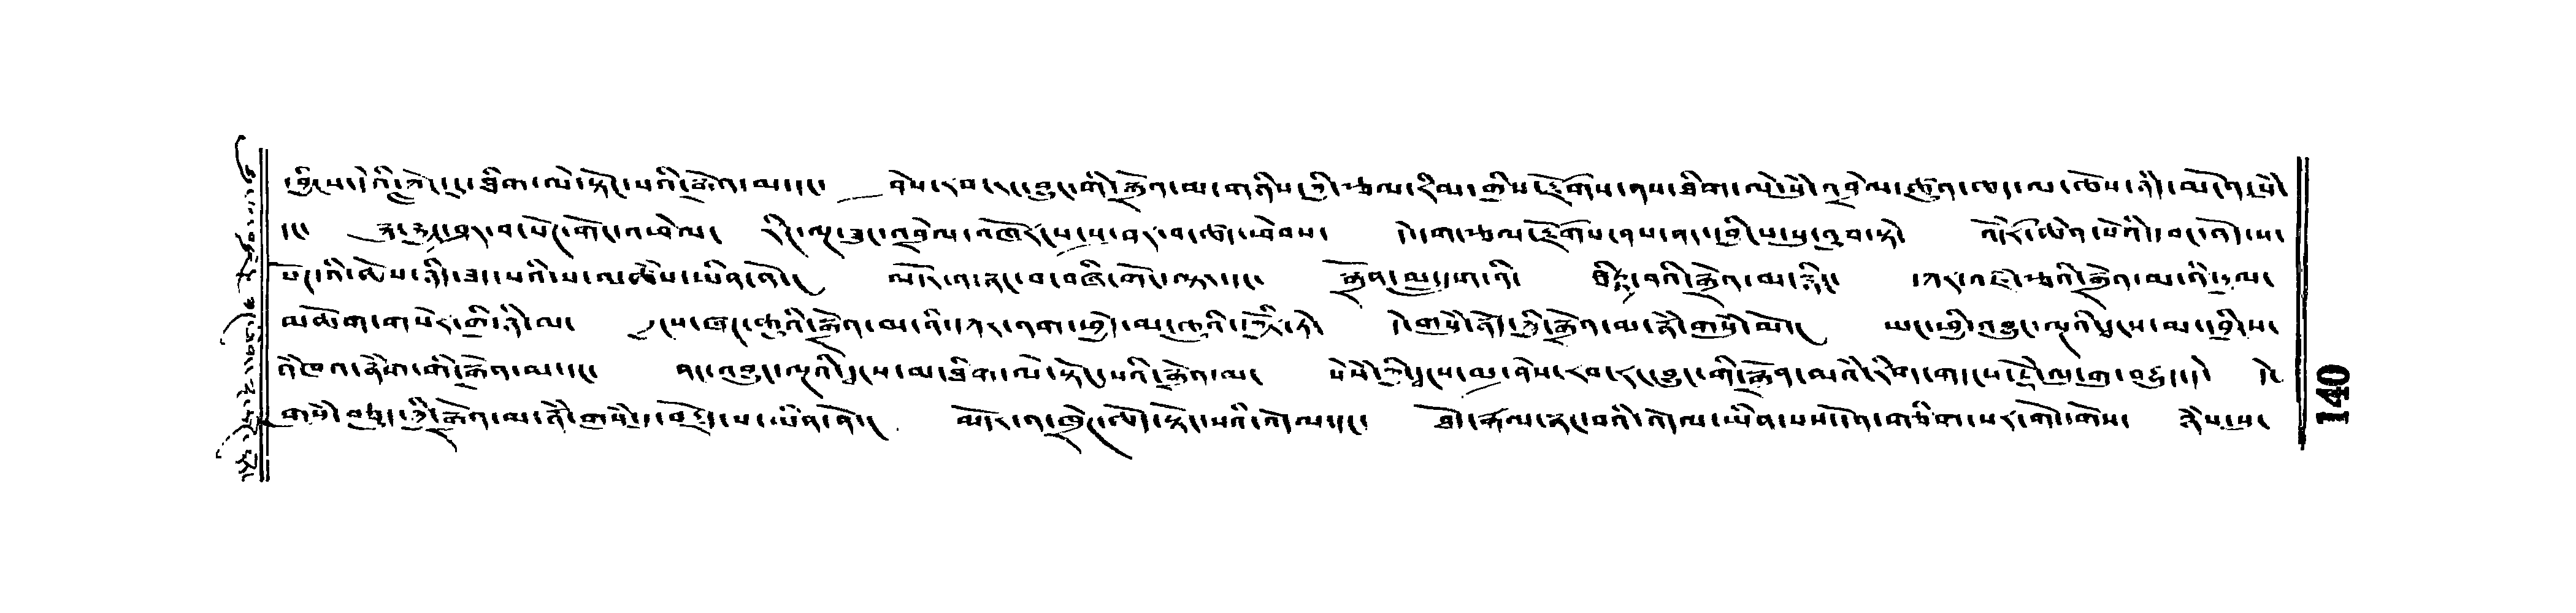དབྱིངས་དེའི་ཀློང་དུ་ཐིག་ལེ་སྟོང་པའི་སྒྲོན་མ་དང་། ཤེས་རབ་རང་བྱུང་གི་སྒྲོན་མ་གཉིས་ཀྱི་རྩལ་རིམ་གྱིས་རྫོགས་ནས་ཐིག་ལེ་སུམ་འབྲེལ་ཚུན་ཆད་ལ་ཆོས་ཉིད་མངོན་སུམ་
དང་། སྐུ་རྐྱང་ཤར་བ་སོགས་གོང་འཕེལ།རིགས་ལྔ་ཟུང་འབྲེལ་འཁོར་དང་བཅས་ཤར་བ་ཚད་ཕེབས། དེ་དག་རྩལ་རྫོགས་ནས་ནང་དབྱིངས་སུ་ནུབ་སྟེ། འོད་ཟེར་ཆེན་པོའི་དབང་ནོད་པ་
སོགས་ནི་ཆོས་ཉིད་ཟད་པའི་ས་མཚམས་ཡིན་ནོ། མདོར་ན་སྣང་བ་བཞི་གོང་ལྟར་དང་། སྒྲོན་མ་དྲུག་ནི། ཙིཏྟ་ཤའི་སྒྲོན་མ་སྙིང་། དཀར་འཇམ་རྩའི་སྒྲོན་མ་ནི་རྒྱལ་
མཆོག་གསེར་གྱི་ཉི་མ། རྒྱང་ཞགས་ཆུའི་སྒྲོན་མ་ནི་དཀར་ནག་ཕྱེད་མ་ཆུའི་དཀྱིལ་འཁོར་ཏེ། དེ་གསུམ་སྣོད་ཀྱི་སྒྲོན་མ་རྣམ་གསུམ་མོ། ཡང་ཕྱི་འབྱུང་ལྔའི་དྭངས་མ་དབྱིངས་
ནམ་མཁའ་རྣམ་དག་གི་སྒྲོན་མ་དང་། ནང་འབྱུང་ལྔའི་དྭངས་མ་ཐིག་ལེ་སྟོང་པའི་སྒྲོན་མ། སེམས་ཀྱི་དྭངས་མ་ཤེས་རབ་རང་བྱུང་གི་སྒྲོན་མའམ་རིག་གདངས་རྡོ་རྗེ་ལུ་གུ་བརྒྱུད་དེ། དེ་
གསུམ་བཅུད་ཀྱི་སྒྲོན་མ་རྣམ་གསུམ་དུ་བརྗོད་པ་ཡིན་ནོ། མདོར་ན་ཁྲེགས་ཆོད་སྟོང་པའི་འོད་གསལ་དང་། ཐོད་རྒལ་སྣང་བའི་འོད་གསལ་ཡིན་པས་དོན་གཅིག་པར་གོ་དགོས། ཉམས་སུ་